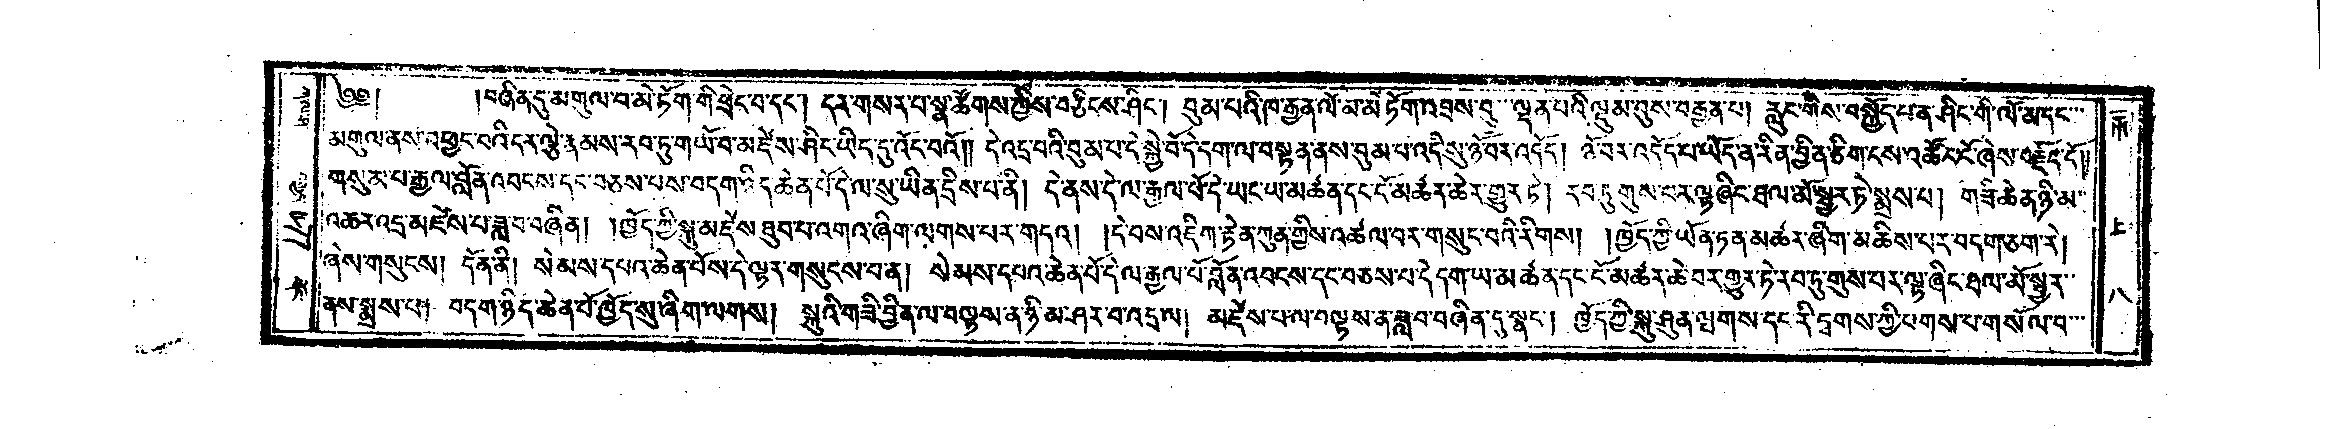༄༅། །བཞིན་དུ་མགུལ་བ་མེ་ཏོག་གི་ཕྲེང་བ་དང་། དར་གསར་པ་སྣ་ཚོགས་ཀྱིས་བཅིངས་ཤིང་། བུམ་པའི་ཁ་རྒྱན་ལོ་མ་མེ་ཏོག་འབྲས་བུ་ལྡན་པའི་ལྡུམ་བུས་བརྒྱན་པ། རླུང་གིས་བསྐྱོད་པ་ན་ཤིང་གི་ལོ་མ་དང?
མགུལ་ནས་འཕྱང་བའི་དར་ལྕེ་རྣམས་རབ་ཏུ་གཡོ་བ་མཛེས་ཤིང་ཡིད་དུ་འོང་བའོ།། དེ་འདྲ་བའི་བུམ་པ་དེ་སྐྱེ་བོ་དེ་དག་ལ་བསྟན་ནས་བུམ་པ་འདི་སུ་ཉོ་བར་འདོད། ཉོ་བར་འདོད་པ་ཡོད་ན་རིན་བྱིན་ཅིག་དས་འཚོང་ངོ་ཞེས་བརྗོད་དོ།།
གསུམ་པ་རྒྱལ་བློན་འབངས་དང་བཅས་པས་བདག་ཉིད་ཆེན་པོ་དེ་ལ་སུ་ཡིན་དྲིས་པ་ནི། དེ་ནས་དེ་ལ་རྒྱལ་པོ་དེ་ཡང་ཡ་མཚན་དང་ངོ་མཚར་ཆེར་གྱུར་ཏེ། རབ་ཏུ་གུས་པར་ལྟ་ཞིང་ཐལ་མོ་སྦྱར་ཏེ་སྨྲས་པ། གཟི་ཆེན་ཉི་མ་
འཆར་འདྲ་མཛེས་པ་ཟླ་བ་བཞིན། །ཁྱོད་ཀྱི་སྐུ་མཛེས་ཐུབ་པ་འགའ་ཞིག་ལགས་པར་གདའ། །དེ་བས་འཇིག་རྟེན་ཀུན་གྱིས་འཚལ་བར་གསུང་བའི་རིགས། །ཁྱོད་ཀྱི་ཡོན་ཏན་མཚར་ཞིག་མཆིས་པར་བདག་ཅག་རེ།
ཞེས་གསུངས། དོན་ནི། སེམས་དཔའ་ཆེན་པོས་དེ་ལྟར་གསུངས་པ་ན། སེམས་དཔའ་ཆེན་པོ་དེ་ལ་རྒྱལ་པོ་བློན་འབངས་དང་བཅས་པ་དེ་དག་ཡ་མཚན་དང་ངོ་མཚར་ཆེ་བར་གྱུར་ཏེ་རབ་ཏུ་གུས་པར་ལྟ་ཞིང་ཐལ་མོ་སྦྱར་
ནས་སྨྲས་པ། བདག་ཉིད་ཆེན་པོ་ཁྱོད་སུ་ཞིག་ལགས། སྐུའི་གཟི་བྱིན་ལ་བལྟས་ན་ཉི་མ་ཤར་བ་འདྲ་ལ། མཛེས་པ་ལ་བལྟས་ན་ཟླ་བ་བཞིན་དུ་སྣང་། ཁྱོད་ཀྱི་སྐུ་ཤུན་ལྤགས་དང་རི་དྭགས་ཀྱི་པགས་པ་གསོལ་བ་